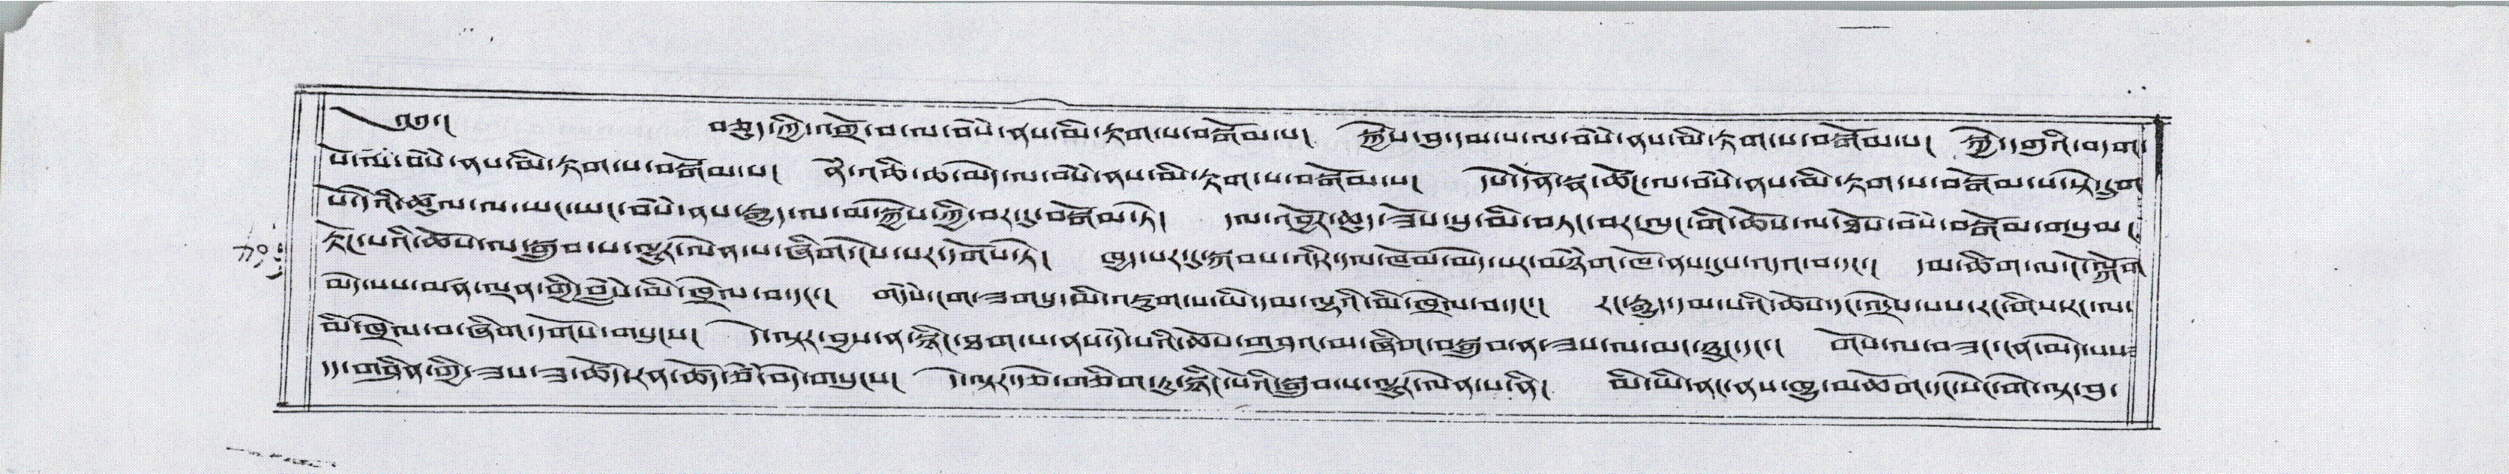བཅུད་ཀྱི་འགྲོ་བ་ལ་བསམ་ནས་མི་རྟག་པ་བསྒོམ་པ། སྐྱེས་བུ་དམ་པ་ལ་བསམ་ནས་མི་རྟག་པ་བསྒོམ་པ། སྐྱེ་དགུའི་བདག་
པོ་ལ་བསམ་ནས་མི་རྟག་པ་བསྒོམ་པ། ནམ་འཆི་ཆ་མེད་ལ་བསམ་ནས་མི་རྟག་པ་བསྒོམ་པ། དཔེ་དོན་སྣ་ཚོགས་ལ་བསམ་ནས་མི་རྟག་པ་བསྒོམ་པ་སྟེ་དྲུག་
པོ་དེའི་ཚུལ་ལ་ཡང་ཡང་བསམ་ནས་རྒྱུད་ལ་མ་སྐྱེས་ཀྱི་བར་དུ་བསྒོམ་ཏེ། དལ་འབྱོར་ཆུད་ཟོས་སུ་མི་གཏོང་བར་ལུང་གི་ཆོས་ལ་ཐོས་བསམ་སྒོམ་གསུམ། 
རྟོགས་པའི་ཆོས་ལ་སྒྲུབ་པ་ལྷུར་ལེན་པ་ཞིག་ངེས་པར་དགོས་ཏེ། ཁྱད་པར་སྐབས་འདིར་དལ་ཁོམས་མེད་པར་མཉམ་གཞག་ཁོ་ནས་དུས་འདའ་བ་དང་། དམ་ཚིག་ལ་ངོ་ལྐོག་
མེད་པས་མཚན་ལྡན་གྱི་བླ་མས་མི་ཁྲེལ་བ་དང་། གདམས་ངག་ཟས་སུ་མི་འཇུག་པ་ཡི་དམ་ལྷ་ཡིས་མི་ཁྲེལ་བ་དང་། རང་རྒྱུད་དམ་པའི་ཆོས་དང་འདྲེས་པས་རང་གིས་རང་ལ་
མི་ཁྲེལ་བ་ཞིག་དགོས་གསུངས། དེ་ལྟར་བྱས་ན་སྙིང་ཐག་པ་ནས་དམ་པའི་ཆོས་གཤའ་མ་ཞིག་བསྒྲུབ་ན་ཟས་ལ་མང་ཉུང་དང་། གོས་ལ་བཟང་ངན་མེད་པས་
དད་གཤིན་གྱི་ཟས་ཟ་ཚོད་རན་ཚོད་ཙམ་བདེ་གསུངས། དེ་ལྟར་རྩེ་གཅིག་ཏུ་སྙིང་པོའི་སྒྲུབ་པ་ལྷུར་ལེན་པ་ནི། མི་ཡི་ནང་ནས་ཁྱུ་མཆོག་དང་སེང་གེ་ལྟ་བུ་